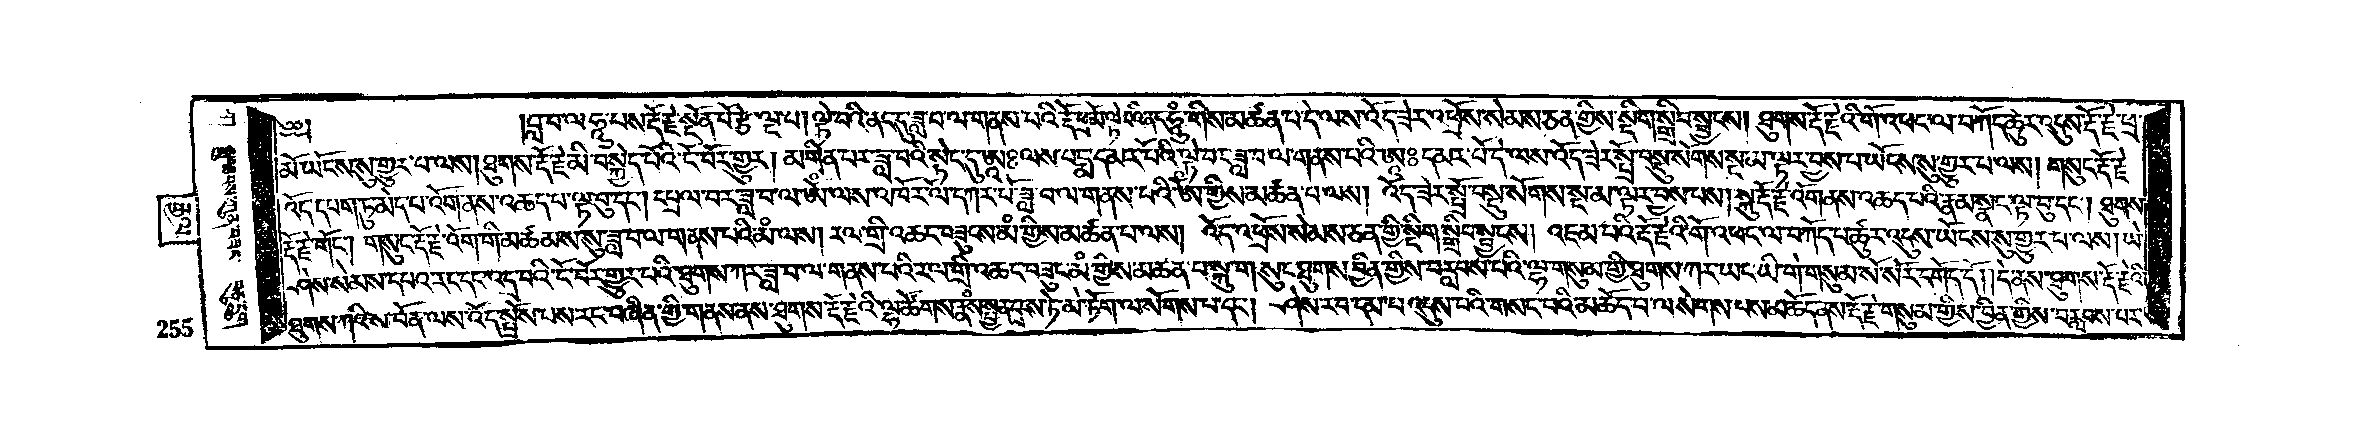༄༅། །བླ་བ་ལ་ཧཱུ་པས་རྡོ་རྗེ་སྔོན་པོ་རྩེ་ལྔ་པ། ལྟེ་བའི་ནང་དུ་ཟླ་བ་ལ་གནས་པའི་རྡོ་ཕྲ་མོ་ལྟེ་བའི་ནང་ཧཱུཾ་གྱིས་མཚན་པ་དེ་ལས་འོད་ཟེར་འཕྲོས་སེམས་ཅན་གྱིས་སྡིག་སྒྲིབ་སྦྱངས། ཐུགས་རྡོ་རྗེའི་གོ་འཕང་ལ་བཀོད་ཚུར་འདུས་རྡོ་རྗེ་ཕྲ་
མོ་ཡོངས་སུ་གྱུར་པ་ལས། ཐུགས་རྡོ་རྗེ་མི་བསྐྱེད་པོའི་ངོ་བོར་གྱུར། མགིན་པར་ཟླ་བའི་སྟེང་དུ་ཨཱཿ ལས་པདམ་དམར་པོའི་ལྟེ་བར་ཟླ་བ་ལ་གནས་པའི་ཨཱཿ དམར་པོ་དེ་ལས་འོད་ཟེར་སྤྲོ་བསྡུས་སོགས་སྔ་མ་ལྟར་བྱས་པ་ཡོངས་སུ་གྱུར་པ་ལས། གསུང་རྡོ་རྗེ་
འོད་དཔག་ཏུ་མེད་པ་འོག་ནས་འཆད་པ་ལྟ་བུ་དང་། དཔྲལ་བར་ཟླ་བ་ལ་ཨོཾ་ལས་འཁོར་ལོ་དཀར་པོ་ཟླ་བ་ལ་གནས་པའི་ཨོཾ་གྱིས་མཚན་པ་ལས། འོད་ཟེར་སྤྲོ་བསྡུ་སོགས་སྔ་མ་ལྟར་བྱས་པས། སྐུ་རྡོ་རྗེ་འོག་ནས་འཆད་པའི་རྣམ་སྣང་ལྟ་བུ་དང་། ཐུགས་
རྡོ་རྗེ་གོང་། གསུང་རྡོ་རྗེ་འོག་གི་མཚམས་སུ་ཟླ་བ་ལ་གནས་པའི་མཾ་ལས། རལ་གྲི་འཆང་བཟུངས་མཾ་གྱིས་མཚན་པ་ལས། འོད་འཕྲོས་སེམས་ཅན་གྱི་སྡིག་སྒྲིབ་སྦྱངས། འཇམ་པའི་རྡོ་རྗེའི་གོ་འཕང་ལ་བཀོད་པ་ཚུར་འདུས་ཡོངས་སུ་གྱུར་པ་ལས། ཡེ་
ཤེས་སེམས་དཔའ་རང་དང་འདྲ་བའི་ངོ་བོར་གྱུར་པའི་ཐུགས་ཀར་ཟླ་བ་ལ་གནས་པའི་རལ་གྲི་འཆང་བཟུང་མཾ་གྱིས་མཚན་པ་སྐུ་གསུང་ཐུགས་བྱིན་གྱིས་བརླབས་པའི་ལྷ་གསུམ་གྱི་ཐུགས་ཀར་ཡང་ཡི་གེ་གསུམ་སོ་སོར་དགོད་དོ། །དེ་ནས་ཐུགས་རྡོ་རྗེའི་
ཐུགས་ཀའི་ས་བོན་ལས་འོད་སྤྲོས་པས་རང་བཞིན་གྱི་གནས་ནས་ཐུགས་རྡོ་རྗེའི་ལྷ་ཚོགས་རྣམས་སྤྱན་དྲངས་ཏེ་མེ་ཏོག་ལ་སོགས་པ་དང་། ཤེས་རབ་དམ་པ་འདུས་པའི་གསང་བའི་མཆོད་པ་ལ་སོགས་པས་མཆོད་ནས་རྡོ་རྗེ་གསུམ་གྱིས་བྱིན་གྱིས་བརླབས་པར་